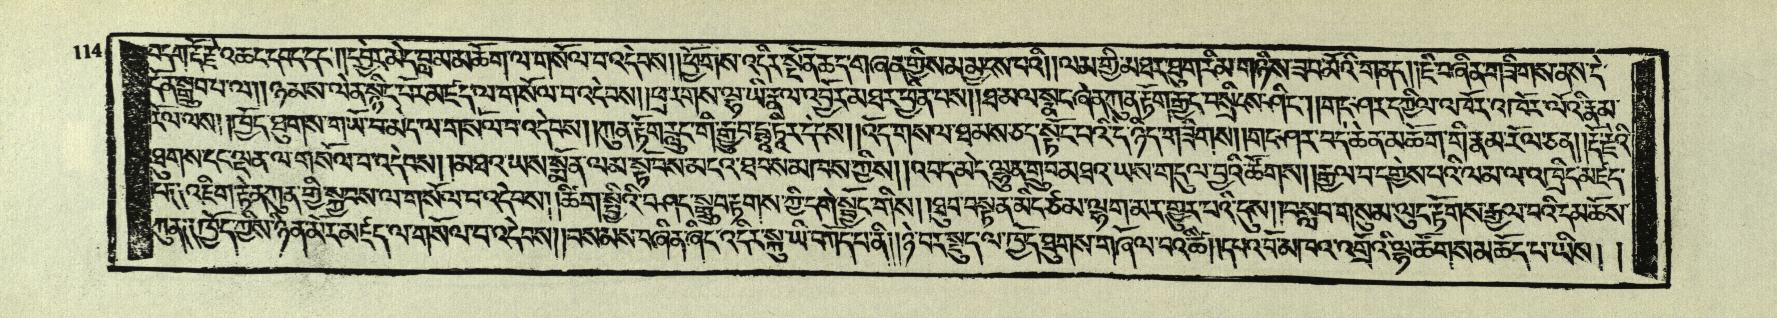བདག་རྡོ་རྗེ་འཆང་དབང་དང་། །དབྱེར་མེད་བླ་མ་མཆོག་ལ་གསོལ་བ་འདེབས། །ཕྱོགས་འདིར་སྔོན་ཆད་གཞན་གྱིས་མ་མྱངས་པའི། །ལམ་གྱི་མཐར་ཐུག་རིམ་གཉིས་ཟབ་མོའི་གནད། །ཇི་བཞིན་གཟིགས་ནས་དེ་
དོན་སྒྲུབ་པ་ལ། །ཉམས་ལེན་སྙིང་པོར་མཛད་ལ་གསོལ་བ་འདེབས། །ཕྲ་རྒས་ལྷ་ཡི་རྣལ་འབྱོར་མཐར་ཕྱིན་པས། །ཐ་མལ་སྣང་ཞེན་ཀུན་རྟོག་རྒྱད་བསྲིངས་ཤིང་། །གང་ཤར་དཀྱིལ་འཁོར་འཁོར་ལོའི་རྣམ་
རོལ་ལས། །ཁྱོད་ཐུགས་གཡོ་བ་མེད་ལ་གསོལ་བ་འདེབས། །ཀུན་རྟོག་རླུང་གི་རྒྱུ་བ་དྷཱ?་ཏཱིར་དེངས། །འོད་གསལ་ཐམས་ཅད་སྟོང་པའི་དེ་ཉིད་གཟིགས། །གང་ཤར་བདེ་ཆེན་མཆོག་གི་རྣམ་རོལ་ཅན། །རྡོ་རྗེའི་
ཐུགས་དང་ལྡན་ལ་གསོལ་བ་འདེབས། །མཐའ་ཡས་སྨོན་ལམ་སྟོབས་མངའ་ཐབས་མཁས་ཀྱིས། །འབད་མེད་ལྷུན་གྲུབ་མཐའ་ཡས་གདུལ་བྱའི་ཚོགས། །རྒྱལ་བ་དགྱེས་པའི་ལམ་ལ་འཁྲིད་མཛད་
པ༑ ༑འཇིག་རྟེན་ཀུན་གྱི་སྐྱབས་ལ་གསོལ་བ་འདེབས། །ཚིག་སྤྱིའི་བཤད་སྒྲུབ་རྟགས་ཀྱི་དགེ་སྦྱོང་གིས། །ཐུབ་བསྟན་མིང་ཙམ་ལྷག་མར་གྱུར་པའི་དུས། །བསླབ་གསུམ་ལུང་རྟོགས་རྒྱལ་བའི་དམ་ཆོས་
ཀུན༑ ༑ཁྱོད་ཀྱིས་ཉིན་མོར་མཛད་ལ་གསོལ་བ་འདེབས། །བསམས་བཞིན་ཞིང་འདིར་སྐུ་ཡི་བཀོད་པ་ནི། །ཉེ་བར་སྡུད་ལ་ཁྱོད་ཐུགས་གཞོལ་བའི་ཚེ། །དཔའ་བོ་མཁའ་འགྲོའི་ལྷ་ཚོགས་མཆོད་པ་ཡིས། །